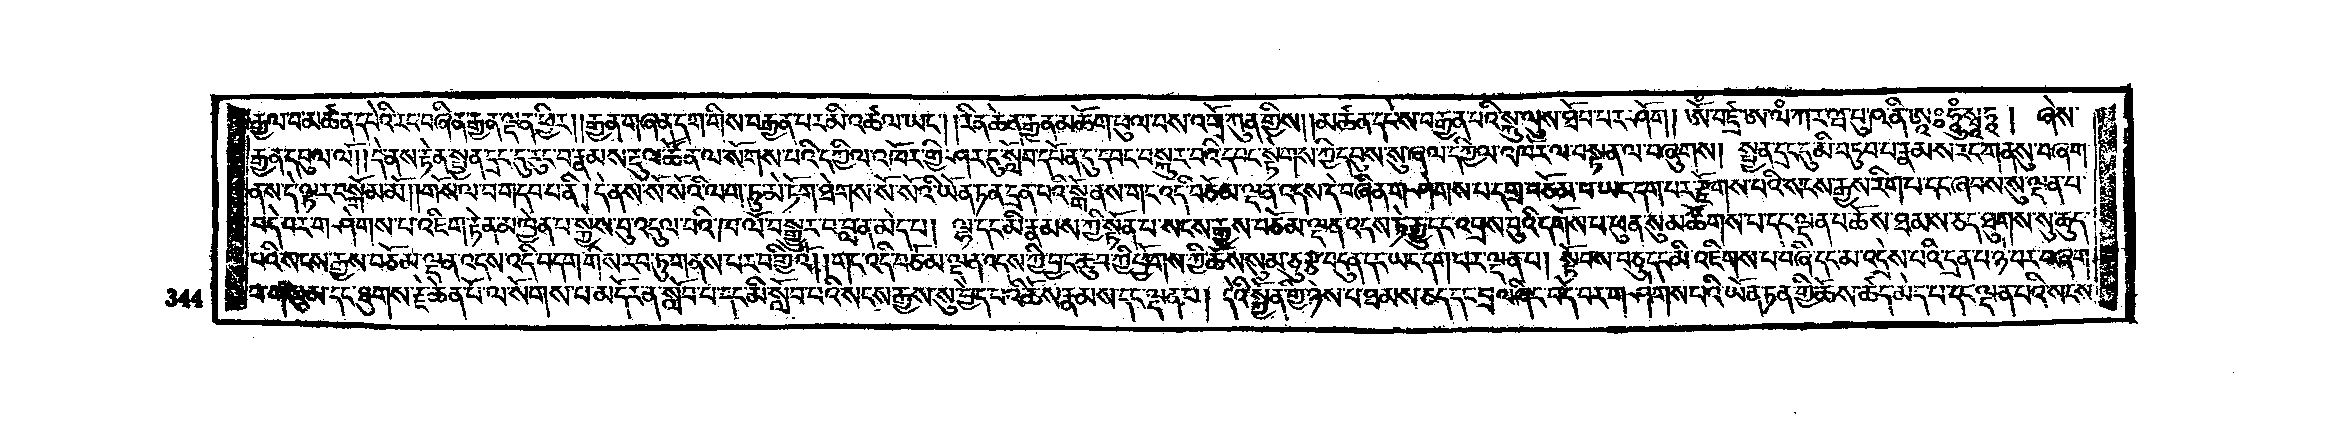རྒྱལ་བ་མཚན་དཔེའི་རང་བཞིན་རྒྱན་ལྡན་ཕྱིར། །རྒྱན་གཞན་དག་གིས་བརྒྱན་པར་མི་འཚལ་ཡང་། །རིན་ཆེན་རྒྱན་མཆོག་ཕུལ་བས་འགྲོ་ཀུན་གྱིས། །མཚན་དཔེས་བརྒྱན་པའི་སྐུ་ལུས་ཐོབ་པར་ཤོག །ཨོཾ་བཛྲ་ཨ་ལཾ་ཀ་ར་ཝ་པུ་ཥ་ནི་ཨཱཿ ཧཱུཾ་སྭཱཧཱ། ཞེས་
རྒྱན་དབུལ་ལོ། །དེ་ནས་རྟེན་སྤྱན་དྲང་དུ་རུང་བ་རྣམས་རྡུལ་ཚོན་ལ་སོགས་པའི་དཀྱིལ་འཁོར་གྱི་ཤར་དུ་སློབ་དཔོན་དུ་དབང་བསྐུར་བའི་དབང་སྟེགས་ཀྱི་དབུས་སུ་ཞལ་དཀྱིལ་འཁོར་ལ་བསྟན་ལ་བཞུགས། སྤྱན་དྲང་དུ་མི་བཏུབ་པ་རྣམས་རང་གནས་སུ་བཞག་
ནས་དེ་ལྟར་བསྒོམ་མོ། །གསོལ་བ་གདབ་པ་ནི། དེ་ནས་སོ་སོའི་ལག་ཏུ་མེ་ཏོག་ཐོགས་སོ་སོའི་ཡོན་ཏན་དྲན་པའི་སྒོ་ནས་གང་འདི་བཅོམ་ལྡན་འདས་དེ་བཞིན་གཤེགས་པ་དགྲ་བཅོམ་པ་ཡང་དག་པར་རྫོགས་པའི་སངས་རྒྱས་རིག་པ་དང་ཞབས་སུ་ལྡན་པ་
བདེ་བར་གཤེགས་པ་འཇིག་རྟེན་མཁྱེན་པ་སྐྱེས་བུ་འདུལ་བའི་ཁ་ལོ་བསྒྱུར་བ་བླ་ན་མེད་པ། ལྷ་དང་མི་རྣམས་ཀྱི་སྟོན་པ་སངས་རྒྱས་བཅོམ་ལྡན་འདས་ཏེ་རྒྱུ་དང་འབྲས་བུའི་དགོས་པ་ཕུན་སུམ་ཚོགས་པ་དང་ལྡན་པ་ཆོས་ཐམས་ཅད་ཐུགས་སུ་ཆུད་
པའི་སངས་རྒྱས་བཅོམ་ལྡན་འདས་འདི་བདག་གིས་རབ་ཏུ་གནས་པར་བགྱིའོ། །གང་འདི་བཅོམ་ལྡན་འདས་ཀྱི་བྱང་ཆུབ་ཀྱི་ཕྱོགས་ཀྱི་ཆོས་སུམ་ཅུ་རྩ་བདུན་དང་ཡང་དག་པར་ལྡན་པ། སྟོབས་བཅུ་དང་མི་འཇིགས་པ་བཞི་དང་མ་འདྲེས་པའི་དྲན་པ་ཉེ་བར་བཞག་
པ་གསུམ་དང་ཐུགས་རྗེ་ཆེན་པོ་ལ་སོགས་པ་མདོར་ན་སློབ་པ་དང་མི་སློབ་པའི་སངས་རྒྱས་སུ་བྱེད་པའི་ཆོས་རྣམས་དང་ལྡན་པ། དེའི་སྐྱོན་གྱི་ཉེས་པ་ཐམས་ཅད་དང་བྲལ་ཞིང་བདེ་བར་གཤེགས་པའི་ཡོན་ཏན་གྱི་ཆོས་ཚད་མེད་པ་དང་ལྡན་པའི་སངས་